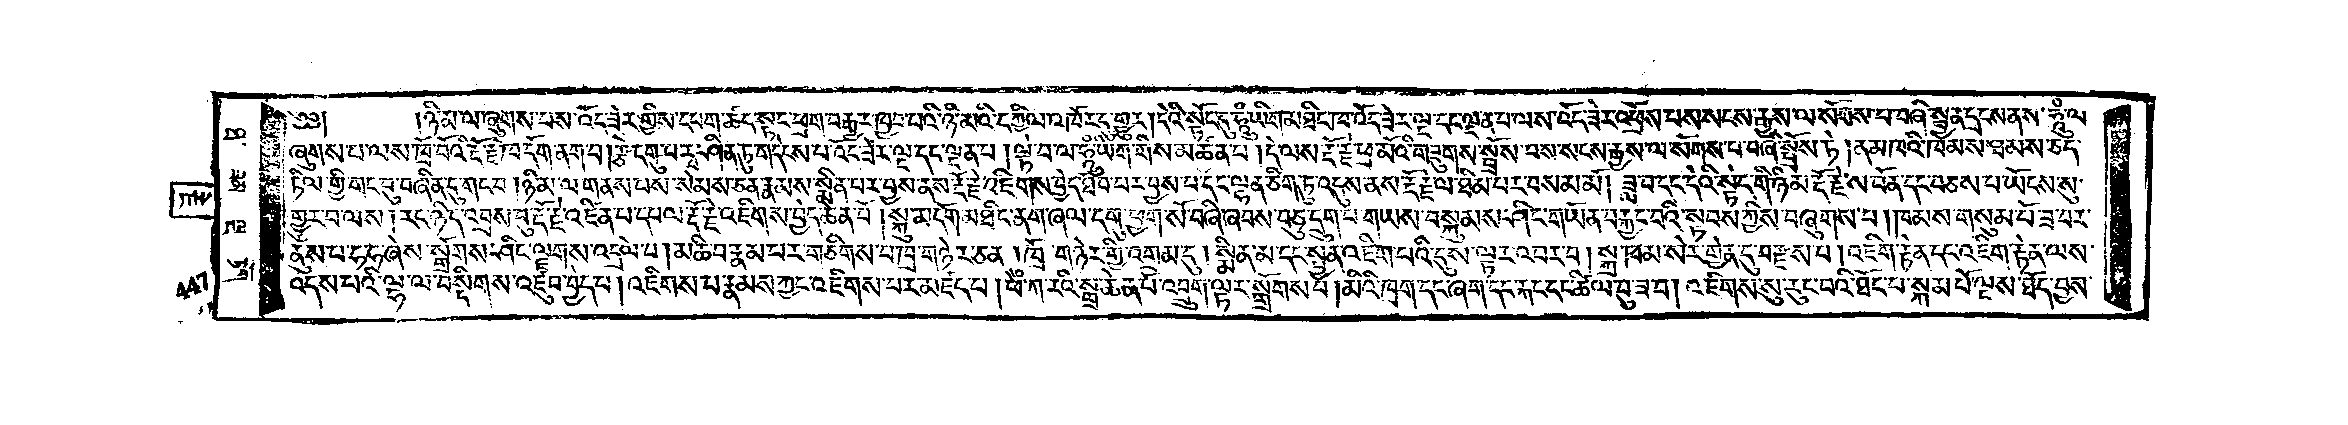༄༅། །ཉི་མ་ལ་ཞུགས་པས་འོད་ཟེར་གྱིས་དཔག་ཚད་སྟོང་ཕྲག་བརྒྱར་ཁྱབ་པའི་ཉི་མའི་དཀྱིལ་འཁོར་དུ་གྱུར། དེའི་སྟེང་དུ་ཧཱུཾ་ཡིག་མཐིང་ཁ་འོད་ཟེར་ལྔ་དང་ལྡན་པ་ལས་འོད་ཟེར་འཕྲོས་པས་སངས་རྒྱས་ལ་སོགས་པ་བཞི་སྤྱན་དྲངས་ནས་ཧཱུཾ་ལ་
ཞུགས་པ་ལས་ཁྲོ་བོའི་རྡོ་རྗེ་ཁ་དོག་ནག་པ། རྩེ་དགུ་པ་རྭ་ཤིན་ཏུ་གདེངས་པ་འོད་ཟེར་ལྔ་དང་ལྡན་པ། ལྟེ་བ་ལ་ཧཱུཾ་ཡིག་གིས་མཚན་པ། དེ་ལས་རྡོ་རྗེ་ཕྲ་མོའི་གཟུགས་སྦྲོས་པས་སངས་རྒྱས་ལ་སོགས་པ་བཞི་སྤྲོས་ཏེ། ནམ་མཁའི་ཁམས་ཐམས་ཅད་
ཏིལ་གྱི་གང་བུ་བཞིན་དུ་གང་བ། ཉི་མ་ལ་གནས་པས་སེམས་ཅན་རྣམས་སྨོན་པར་བྱས་ནས་རྡོ་རྗེ་འཇིགས་བྱེད་ཐོབ་པར་བྱས་པ་དང་ལྷན་ཅིག་ཏུ་འདུས་ནས་རྡོ་རྗེ་ལ་ཐིམ་པར་བསམ་མོ། ཟླ་བ་དང་དེའི་སྟེང་གི་ཉི་མ་རྡོ་རྗེ་ས་བོན་དང་བཅས་པ་ཡོངས་སུ་
གྱུར་བ་ལས། རང་ཉིད་འབྲས་བུ་རྡོ་རྗེ་འཛིན་པ་དཔལ་རྡོ་རྗེ་འཇིགས་བྱེད་ཆེན་པོ། སྐུ་མདོག་མཐིང་ནག་ཞལ་དགུ་ཕྱག་སོ་བཞི་ཞབས་བཅུ་དྲུག་པ་གཡས་བསྐུམས་ཤིང་གཡོན་བརྐྱང་བའི་སྟབས་ཀྱིས་བཞུགས་པ། ཁམས་གསུམ་པོ་ཟ་བར་
ནུས་པ་ཧ་ཧ་ཞས་སྒྲོགས་ཤིང་ལྗགས་འདྲིལ་བ། མཆེ་བ་རྣམ་པར་གཅིགས་པ་ཁྲོ་གཉེར་ཅན། ཁྲོ་གཉེར་གྱི་འགྲམ་དུ། སྨིན་མ་དང་སྤྱན་འཇིག་པའི་དུས་ལྟར་འབར་བ། སྐྲ་ཁམ་སེར་གྱེན་དུ་བརྫས་པ། འཇིག་རྟེན་དང་འཇིག་རྟེན་ལས་
འདས་པའི་ལྷ་ལ་བསྡིགས་འཛུབ་བྱེད་པ། འཇིགས་པ་རྣམས་ཀྱང་འཇིགས་པར་མཛད་པ། ཕཻཾ་ཀ་རའི་སྒྲ་ཆེན་པོ་འབྲུག་ལྟར་སྒྲོགས་པ། མིའི་ཁྲག་དང་ཞག་དང་རྐང་དང་ཚིལ་བུ་ཟ་བ། འཇིགས་སུ་རུང་བའི་ཐོད་པ་སྐམ་པོ་ལྔས་ཐོད་བྱས་